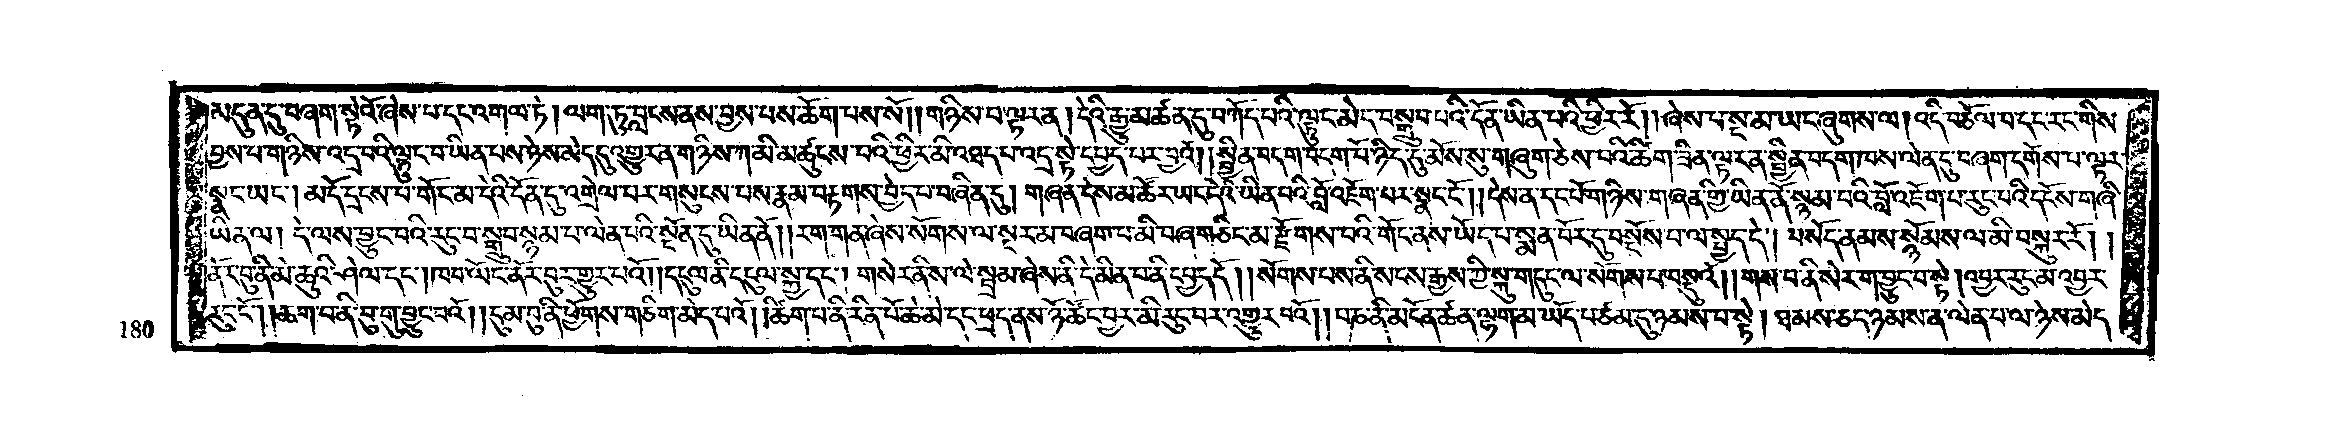མདུན་དུ་བཞག་སྟེའོ་ཞེས་པ་དང་འགལ་ཏེ། ལག་ཏུ་བླངས་ནས་བྱས་པས་ཆོག་པས་སོ། །གཉིས་པ་ལྟར་ན། དེའི་རྒྱུ་མཚན་དུ་བཀོད་པའི་ལྟུང་མེད་བསྒྲུབ་པའི་དོན་ཡིན་པའི་ཕྱིར་རོ། །ཞེས་པ་སྔ་མ་ཡང་ཞུགས་ལ། འདི་བཅོལ་བ་དང་རང་གིས་
བྱས་པ་གཉིས་འདྲ་བའི་ལྟུང་བ་ཡིན་པས་ཉེས་མེད་དུ་འགྱུར་ན་གཉིས་ཀ་མི་མཚུངས་པའི་ཕྱིར་མི་འཐད་པ་འདྲ་སྟེ་དཔྱད་པར་བྱའོ། །སྦྱིན་བདག་བདག་པོ་ཉིད་དུ་མོས་སུ་གཞུག་ཅེས་པའི་ཚིག་ཟིན་ལྟར་ན་སྦྱིན་བདག་ཁས་ལེན་དུ་བཞག་དགོས་པ་ལྟར་
སྣང་ཡང་། མདོ་དྲངས་པ་གོང་མ་དེའི་དོན་དུ་འགྲེལ་པར་གསུངས་པས་རྣམ་བརྟགས་བྱེད་པ་བཞིན་དུ། གཞན་དེས་མ་ཚོར་ཡང་དེའི་ཡིན་པའི་བློ་འཇོག་པར་སྣང་ངོ། །དེས་ན་དང་པོ་གཉིས་གཞན་གྱི་ཡིན་ནོ་སྙམ་པའི་བློ་འཇོག་པ་རུང་བའི་དངོས་གཞི་
ཡིན་ལ། དེ་ལས་བྱུང་བའི་རུང་བ་སྒྲུབ་སྙམ་པ་ལེན་པའི་སྔོན་དུ་ཡིན་ནོ། །རག་གན་ཞེས་སོགས་ལ་སྔར་མ་བཞག་པ་མི་བཞག་ཅིང་མ་རྫོགས་པའི་གོང་ནས་ཡོད་པ་སྨན་བོར་དུ་བསྔོས་པ་ལ་སྤྱད་དེ། བསོད་ནམས་སྙོམས་ལ་མི་བསྐུར་རོ། །
ནོར་བུ་ནི་མེ་ཆུའི་ཤེལ་དང་། ཁབ་ལོང་ནོར་བུར་གྱུར་པའོ། །དངུལ་ནི་དངུལ་སྐྱ་དང་། གསེར་ནི་ས་ལེ་སྦྲམ་ཞེས་ནི་དེ་མིན་པ་ནི་དཔྱད་དོ། །སོགས་པས་ནི་སངས་རྒྱས་ཀྱི་སྐུ་གདུང་ལ་སོགས་པ་བསྡུའོ། །གས་པ་ནི་སེར་ག་བྱུང་བ་སྟེ། འབྱར་རུང་མ་འབྱར་
རུང་ངོ། །ཆག་པ་ནི་བུ་གུ་བྱུང་བའོ། །དུམ་བུ་ནི་ཕྱོགས་གཅིག་མེད་པའོ། །ཚིག་པ་ནི་རིན་པོ་ཆེ་མེ་དང་ཕྲད་ནས་ཉོ་ཚོང་བྱར་མི་རུང་བར་འགྱུར་བའོ། །པ་ཎ་ནི་མངོན་ཚན་ལྷག་མ་ཡོད་པ་ཙམ་དུ་ཉམས་པ་སྟེ། ཐམས་ཅད་ཉམས་ན་ལེན་པ་ལ་ཉེས་མེད་